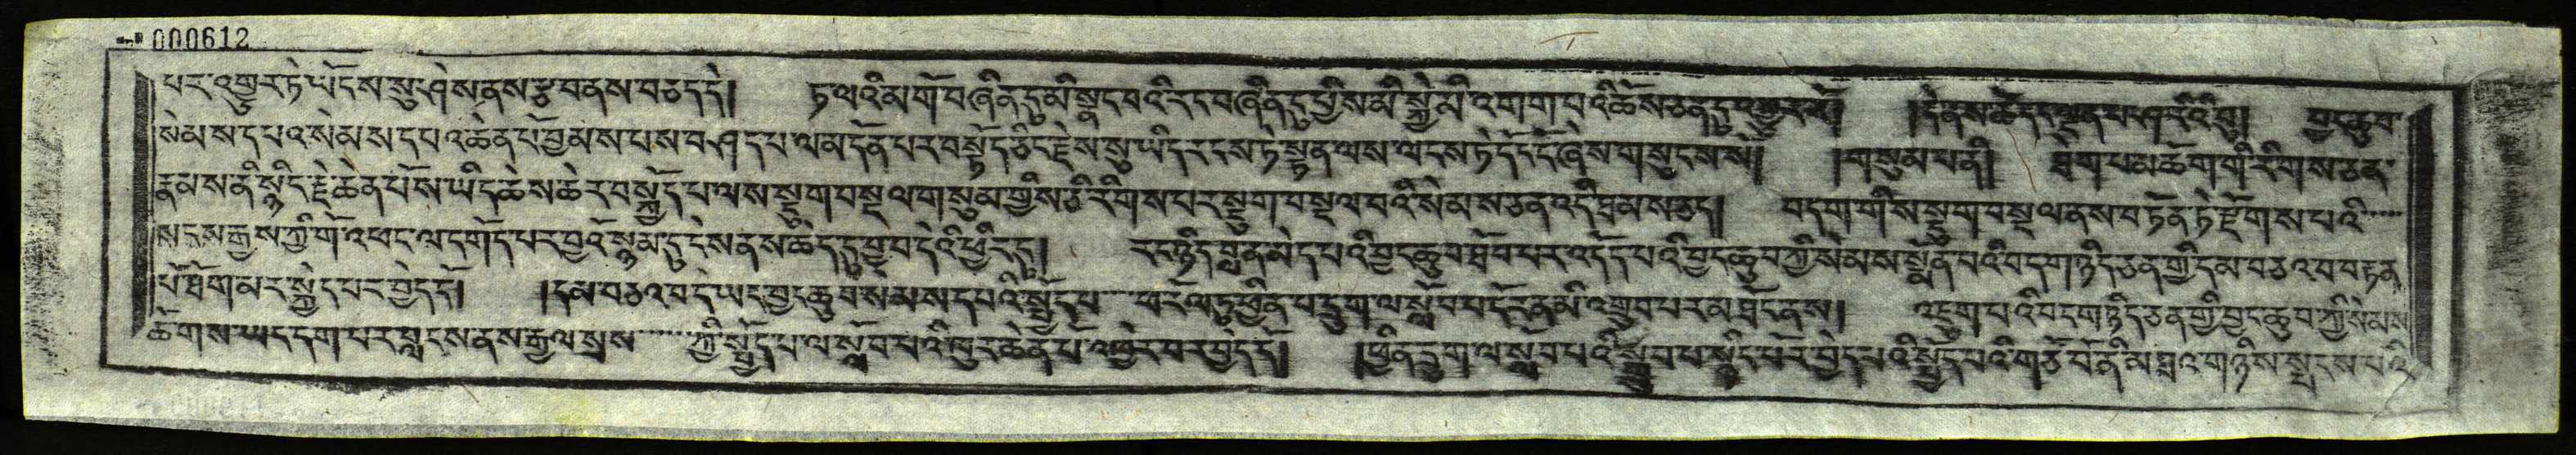པར་འགྱུར་ཏེ་ཡོངས་སུ་ཤེས་ནས་རྩ་བ་ནས་བཅད་དེ། ཏ་ལའི་མགོ་བཞིན་དུ་མི་སྣང་བའི་རང་བཞིན་དུ་ཕྱིས་མི་སྐྱེ་མི་འགག་པའི་ཆོས་ཅན་དུ་འགྱུར་རོ། །དེ་ནས་ཚེ་དང་ལྡན་པ་ཤ་རིའི་བུ། བྱང་ཆུབ་
སེམས་དཔའ་སེམས་དཔའ་ཆེན་པོ་བྱམས་པས་བཤད་པ་ལམ་དོན་པར་བསྟོད་ཅིང་རྗེས་སུ་ཡིད་རངས་ཏེ་སྟོན་ལས་ལངས་ཏེ་དོང་ངོ་ཞེས་གསུངས་སོ། །གསུམ་པ་ནི། ཐེག་པ་མཆོག་གི་རིགས་ཅན་
རྣམས་ནི་སྙིང་རྗེ་ཆེན་པོས་ཡིད་ཆེས་ཆེར་བསྐྱོད་པ་ལས་སྡུག་བསྔལ་གསུམ་གྱིས་ཅི་རིགས་པར་སྡུག་བསྔལ་བའི་སེམས་ཅན་འདི་ཐམས་ཅད། བདག་གིས་སྡུག་བསྔལ་ནས་བཏོན་ཏེ་རྫོགས་པའི་
སངས་རྒྱས་ཀྱི་གོ་འཕང་ལ་དགོད་པར་བྱའོ་སྙམ་དུ་ངེས་ནས་ཆེད་དུ་བྱ་བ་དེའི་ཕྱིར་དུ། རང་ཉིད་བླ་ན་མེད་པའི་བྱང་ཆུབ་ཐོབ་པར་འདོད་པའི་བྱང་ཆུབ་ཀྱི་སེམས་སྨོན་པའི་བདག་ཉིད་ཅན་གྱི་དམ་བཅའ་བ་བརྟན་
པོ་ཐོག་མར་སྐྱེད་པར་བྱེད་དོ། །དམ་བཅའ་བ་དེ་ཡང་བྱང་ཆུབ་སེམས་དཔའི་སྤྱོད་པ་ཕ་རོལ་ཏུ་ཕྱིན་པ་དྲུག་ལ་སློབ་པ་དོར་ན་མི་འགྲུབ་པར་མཐོང་ནས། འཇུག་པའི་བདག་ཉིད་ཅན་གྱི་བྱང་ཆུབ་ཀྱི་སེམས་
ཆོ་གས་ཡང་དག་པར་བླངས་ནས་རྒྱལ་སྲས་ཀྱི་སྤྱོད་པ་ལ་སློབ་པའི་ཁུར་ཆེན་པོ་འཁྱེར་བར་བྱེད་དོ། །ཕྱིན་དྲུག་ལ་སློབ་པའི་སྒྲུབ་པ་སྙིང་པོར་བྱེད་པའི་སྤྱོད་པའི་གཙོ་བོ་ནི་མཐའ་གཉིས་སྤངས་པའི་